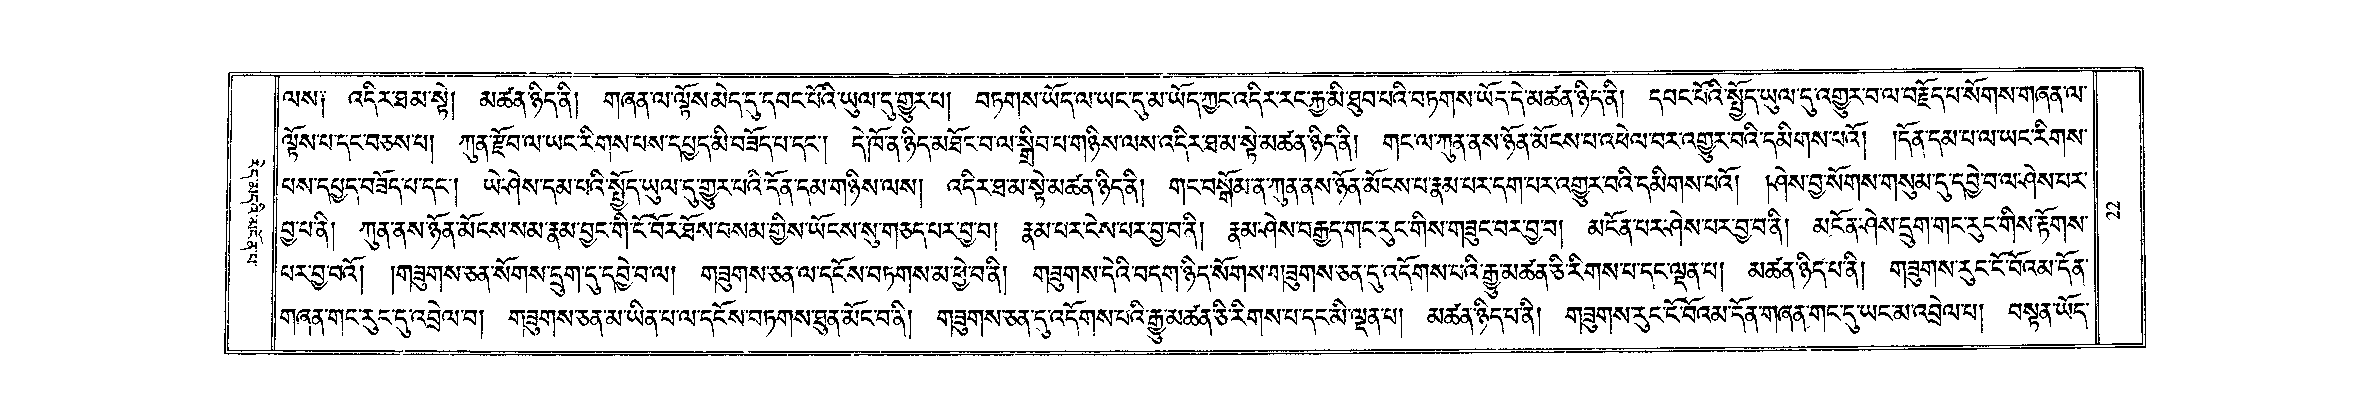ལས༑ འདིར་ཐམ་སྟེ། མཚན་ཉིད་ནི། གཞན་ལ་ལྟོས་མེད་དུ་དབང་པོའི་ཡུལ་དུ་གྱུར་པ། བཏགས་ཡོད་ལ་ཡང་དུ་མ་ཡོད་ཀྱང་འདིར་རང་རྐྱ་མི་ཐུབ་པའི་བཏགས་ཡོད་དེ་མཚན་ཉིད་ནི། དབང་པོའི་སྤྱོད་ཡུལ་དུ་འགྱུར་བ་ལ་བརྗོད་པ་སོགས་གཞན་ལ་
ལྟོས་པ་དང་བཅས་པ། ཀུན་རྫོབ་ལ་ཡང་རིགས་པས་དཔྱད་མི་བཟོད་པ་དང་། དེ་ཁོ་ན་ཉིད་མཐོང་བ་ལ་སྒྲིབ་པ་གཉིས་ལས་འདིར་ཐ་མ་སྟེ་མཚན་ཉིད་ནི། གང་ལ་ཀུན་ནས་ཉོན་མོངས་པ་འཕེལ་བར་འགྱུར་བའི་དམིགས་པའོ། །དོན་དམ་པ་ལ་ཡང་རིགས་
པས་དཔྱད་བཟོད་པ་དང་། ཡེ་ཤེས་དམ་པའི་སྤྱོད་ཡུལ་དུ་གྱུར་པའི་དོན་དམ་གཉིས་ལས། འདིར་ཐ་མ་སྟེ་མཚན་ཉིད་ནི། གང་བསྒོམ་ན་ཀུན་ནས་ཉོན་མོངས་པ་རྣམ་པར་དག་པར་འགྱུར་བའི་དམིགས་པའོ། །ཤེས་བྱ་སོགས་གསུམ་དུ་དབྱེ་བ་ལ་ཤེས་པར་
བྱ་བ་ནི། ཀུན་ནས་ཉོན་མོངས་སམ་རྣམ་བྱང་གི་ངོ་བོར་ཐོས་བསམ་གྱིས་ཡོངས་སུ་གཅད་པར་བྱ་བ། རྣམ་པར་ངེས་པར་བྱ་བ་ནི། རྣམ་ཤེས་བརྒྱད་གང་རུང་གིས་གཟུང་བར་བྱ་བ། མངོན་པར་ཤེས་པར་བྱ་བ་ནི། མངོན་ཤེས་དྲུག་གང་རུང་གིས་རྟོགས་
པར་བྱ་བའོ། །གཟུགས་ཅན་སོགས་དྲུག་དུ་དབྱེ་བ་ལ། གཟུགས་ཅན་ལ་དངོས་བཏགས་མ་ཕྱེ་བ་ནི། གཟུགས་དེའི་བདག་ཉིད་སོགས་གཟུགས་ཅན་དུ་འདོགས་པའི་རྒྱུ་མཚན་ཅི་རིགས་པ་དང་ལྡན་པ། མཚན་ཉིད་པ་ནི། གཟུགས་རུང་ངོ་བོའམ་དོན་
གཞན་གང་རུང་དུ་འབྲེལ་བ། གཟུགས་ཅན་མ་ཡིན་པ་ལ་དངོས་བཏགས་ཐུན་མོང་བ་ནི། གཟུགས་ཅན་དུ་འདོགས་པའི་རྒྱུ་མཚན་ཅི་རིགས་པ་དང་མི་ལྡན་པ། མཚན་ཉིད་པ་ནི། གཟུགས་རུང་ངོ་བོའམ་དོན་གཞན་གང་དུ་ཡང་མ་འབྲེལ་པ། བསྟན་ཡོད་